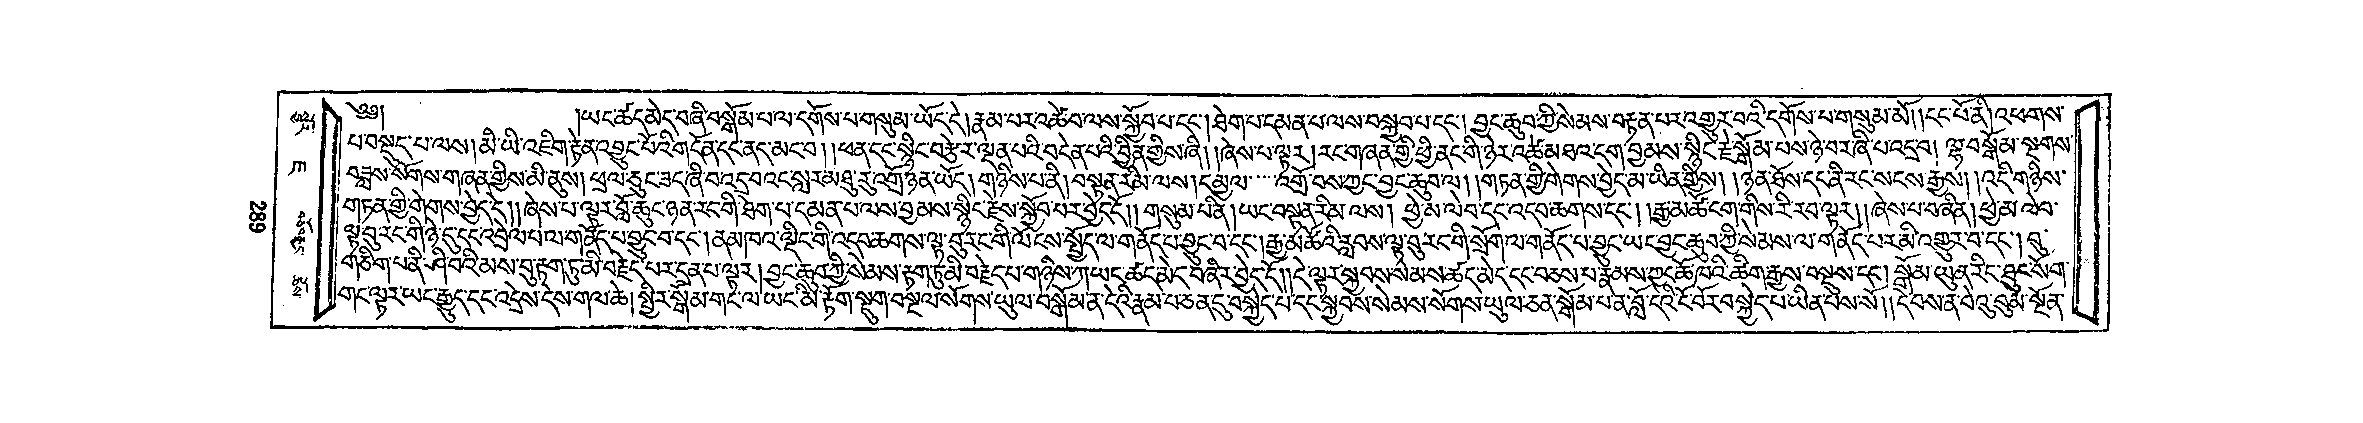༄༅། །ཡང་ཚད་མེད་བཞི་བསྒོམ་པ་ལ་དགོས་པ་གསུམ་ཡོད་དེ། རྣམ་པར་འཚེ་བ་ལས་སྐྱོབ་པ་དང་། ཐེག་པ་དམན་པ་ལས་བསྐྱབ་པ་དང་། བྱང་ཆུབ་ཀྱི་སེམས་བརྟན་པར་འགྱུར་བའི་དགོས་པ་གསུམ་མོ། །དང་པོ་ནི། འཕགས་
པ་བསྡུད་པ་ལས། མི་ཡི་འཇིག་རྟེན་འབྱུང་པོའི་གདོན་དང་ནད་མང་བ། །ཕན་དང་སྙིང་བརྩེར་ལྡན་པའི་བདེན་པའི་བྱིན་གྱིས་ཞི། །ཞེས་པ་ལྟར། རང་གཞན་གྱི་ཕྱི་ནང་གི་ཉེར་འཚེ་མཐའ་དག་བྱམས་སྙིང་རྗེ་སྒོམ་པས་ཉེ་བར་ཞི་པ་འདྲ་བ། ལྷ་བསྒོམ་སྔགས་
བཟླས་སོགས་གཞན་གྱིས་མི་ནུས། ཕྲལ་ཅུང་ཟད་ཞི་བ་འདྲ་བའང་སླར་མཐུ་རུ་འགྲོ་ཉན་ཡོད། གཉིས་པ་ནི། བསྟན་རིམ་ལས། དམྱལ་འགྲོ་བས་ཀྱང་བྱང་ཆུབ་ལ། །གཏན་གྱི་གེགས་བྱེད་མ་ཡིན་གྱིས། །ཉན་ཐོས་དང་ནི་རང་སངས་རྒྱས། །འདི་གཉིས་
གཏན་གྱི་གེགས་བྱེད་དེ། །ཞེས་པ་ལྟར་བློ་ཆུང་ཉན་རང་གི་ཐེག་པ་དམན་པ་ལས་བྱམས་སྙིང་རྗེས་སྐྱོབ་པར་བྱེད་དོ། །གསུམ་པ་ནི། ཡང་བསྟན་རིམ་ལས། ཕྱེ་མ་ལེབ་དང་འདབ་ཆགས་དང་། །རྒྱ་མཚོ་ངག་གིས་རི་རབ་ལྟར། །ཞེས་པ་བཞིན། ཕྱེ་མ་ལེབ་
ལྟ་བུ་རང་གི་ཉེ་དུ་དང་འབྲེལ་པ་ལ་གནོད་པ་བྱུང་བ་དང་། ནམ་མཁའ་ལྡིང་གི་འདབ་ཆགས་ལྟ་བུ་རང་གི་ལོངས་སྤྱོད་ལ་གནོད་པ་བྱུང་བ་དང་། རྒྱ་མཚོའི་རླབས་ལྟ་བུ་རང་གི་སྲོག་ལ་གནོད་པ་བྱུང་ཡང་བྱང་ཆུབ་ཀྱི་སེམས་ལ་གནོད་པར་མི་འགྱུར་བ་དང་། བུ་
གཅིག་པ་ནི་ཤི་བའི་མས་བུ་རྟག་ཏུ་མི་བརྗེད་པར་དྲན་པ་ལྟར། བྱང་ཆུབ་ཀྱི་སེམས་རྟག་ཏུ་མི་བརྗེད་པ་གཉིས་ཀ་ཡང་ཚད་མེད་བཞིར་བྱེད་དོ། །དེ་ལྟར་སྐྱབས་སེམས་ཚད་མེད་དང་བཅས་པ་རྣམས་ཀྱང་ཆོ་ཁའི་ཚིག་རྒྱས་བསྡུས་དང་། སྒོམ་ཡུན་རིང་ཐུང་སོག་
གང་ལྟར་ཡང་རྒྱུད་དང་འདྲེས་དེས་གལ་ཆེ། སྤྱིར་སྒོམ་གང་ལ་ཡང་མི་རྟོག་སྡུག་བསྔལ་སོགས་ཡུལ་བསྒོམ་ན་དེའི་རྣམ་པ་ཅན་དུ་བསྐྱེད་པ་དང་སྐྱབས་སེམས་སོགས་ཡུལ་ཅན་སྒོམ་པ་ན་བློ་དེའི་ངོ་བོར་བསྐྱེད་པ་ཡིན་པས་སོ། །དེ་བས་ན་བེའུ་བུམ་སྔོན་